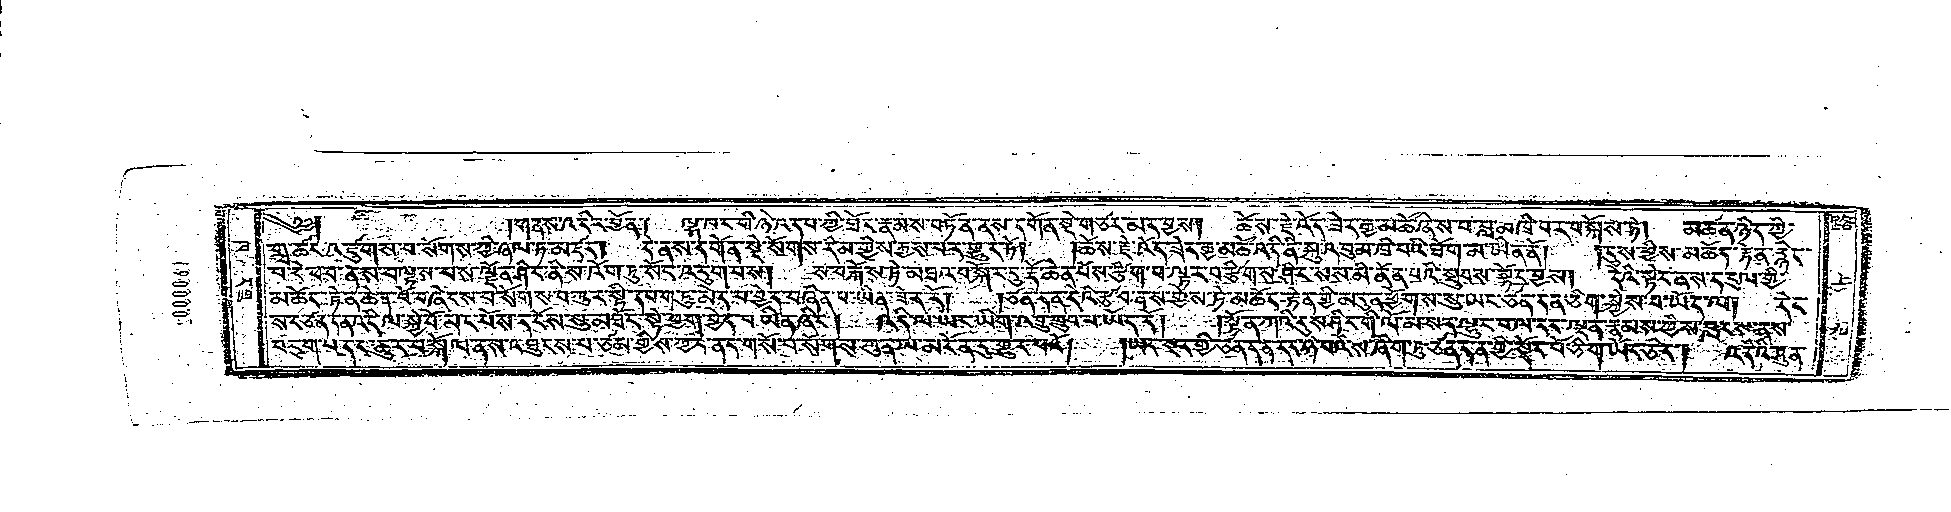༄༅། །གནས་འདིར་བྱོན། ལྷ་ཁང་གི་ཉེ་འདབ་ཀྱི་གྲོང་རྣམས་བཏོན་ནས་དགོན་སྡེ་གཙང་མང་བྱས། ཆོས་རྗེ་འོད་ཟེར་རྒྱ་མཚོ་ཞེས་པ་བླ་མཁྲི་པར་བསྐོས་ཏེ། མཚན་ཉིད་ཀྱི་
གྲྭ་ཚང་འཛུགས་པ་སོགས་ཀྱི་ཞལ་ཏ་མཛད། དེ་ནས་དགོན་སྡེ་སོགས་རིམ་གྱིས་རྒྱས་པར་གྱུར་ཏོ། །ཆོས་རྗེ་འོད་ཟེར་རྒྱ་མཚོ་འདི་ནི་སྐུ་འབུམ་ཁྲི་པའི་ཐོག་མ་ཡིན་ནོ། །དུས་ཕྱིས་མཆོད་རྟེན་རྙེད་
པ་དེ་ཕབ་ནས་བལྟས་པས་ལྗོན་ཤིང་ནི་ས་འོག་ཏུ་སོང་འདུག་བས། ས་བརྐོས་ཏེ་མཐའ་བསྐོར་དུ་རྡོ་ཆེན་པོས་རྩིག་བ་ལྟར་བརྩིགས་ཤིང་སས་མི་ནོན་པའི་སྦུབས་སྟོང་བྱས། དེའི་སྟེང་ནས་དངུལ་གྱི་
མཆོད་རྟེན་ཆེན་པོ་བཞེངས་པ་བཀུར་སྟི་དཔག་ཏུ་མེད་བ་བྱེད་བཞིན་པ་ཡིན་ཟེར་རོ། །ཙན་དན་དེའི་རྩ་བ་ནས་གྱིས་ཏེ་མཆོད་རྟེན་གྱི་མདུན་ཕྱོགས་སུ་ཡང་ཙན་དན་ཅིག་སྐྱེས་པ་ཡོད་ལ། དེང་
སང་ཙན་དན་འདི་ལ་སྐྱེ་བོ་མང་པོས་དངོས་སུ་མཐོང་སྟེ་ཕྱག་བྱེད་པ་ཡིན་ཞིང་། འདི་ལ་ཡང་ཡིག་འབྲུ་གྲུབ་པ་ཡོད་དོ། །སྟོན་ཀའི་དུས་ཤིང་གི་ལོ་མ་སར་ལྟུང་བ་ལ་དར་ལྡན་རྣམས་ཀྱིས་བླངས་ནས་
བདུག་པ་དང་ཆུར་བསྐོལ་ནས་འཐུངས་པ་ཙམ་གྱིས་ཀྱང་ནད་གསོ་བ་སོགས་ཀུན་ལ་མངོན་དུ་རྒྱུར་པའོ། །ཡང་སྔར་གྱི་ཙན་དན་དང་ཉེ་བའི་ས་ཞིག་ཏུ་ཙན་དན་གྱི་སྡོང་པོ་ཅིག་ཡོད་ཅིང་། འདིའི་ཤུན་